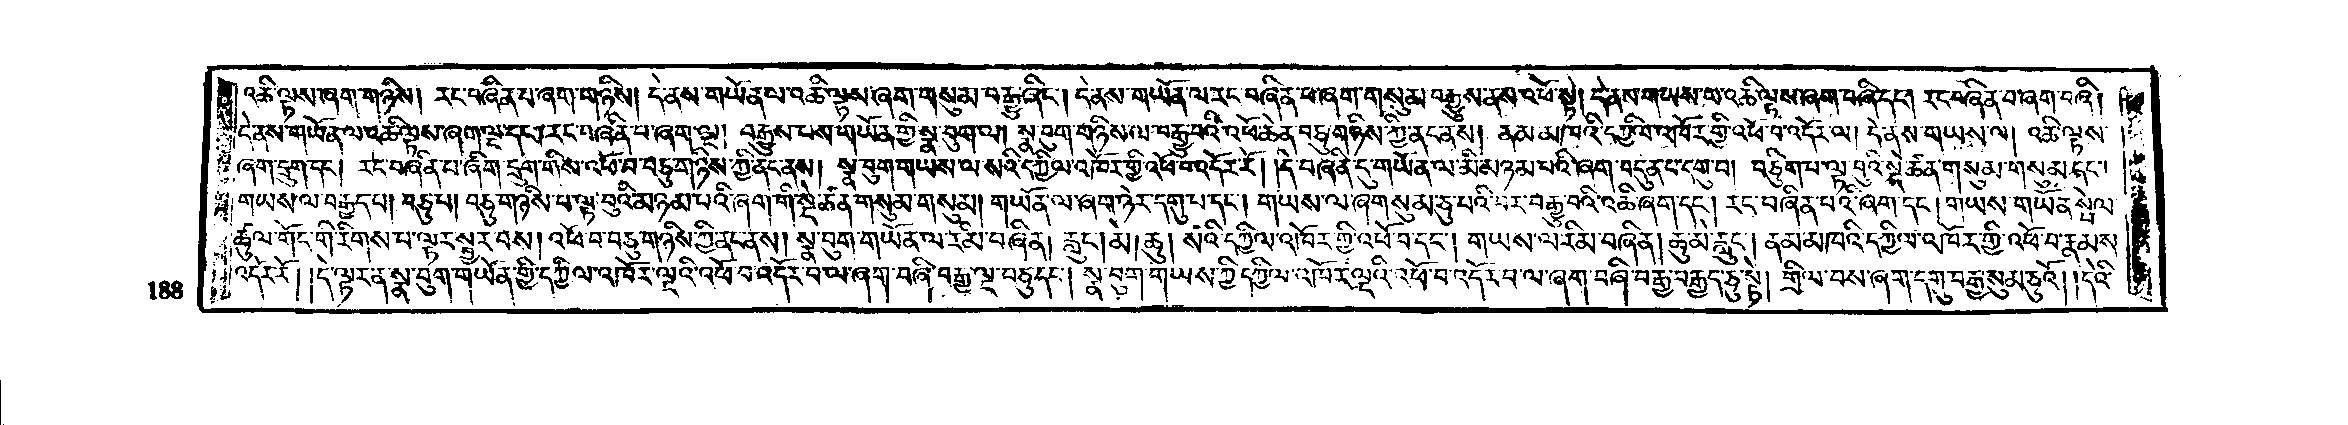འཆི་ལྟས་ཞག་གཉིས། རང་བཞིན་པ་ཞག་གཉིས། དེ་ནས་གཡོན་ལ་འཆི་ལྟས་ཞག་གསུམ་བརྒྱུ་ཞིང་། དེ་ནས་གཡོན་ལ་རང་བཞིན་པ་ཞག་གསུམ་བརྒྱུས་ནས་འཕོ་སྟེ། དེ་ནས་གཡས་ལ་འཆི་ལྟས་ཞག་བཞི་དང་། རང་བཞིན་པ་ཞག་བཞི།
དེ་ནས་གཡོན་ལ་འཆི་ལྟས་ཞག་ལྔ་དང་། རང་བཞིན་པ་ཞག་ལྔ། བརྒྱུས་པས་གཡོན་གྱི་སྣ་བུག་ལ། སྣ་བུག་གཉིས་ལ་བརྒྱུ་བའི་འཕོ་ཆེན་བཅུ་གཉིས་ཀྱི་ནང་ནས། ནམ་མཁའི་དཀྱིལ་འཁོར་གྱི་འཕོ་བ་འདོར་ལ། དེ་ནས་གཡས་ལ། འཆི་ལྟས་
ཞག་དྲུག་དང་། རང་བཞིན་པ་ཞིག་དྲུག་གིས་འཕོ་བ་བཅུ་གཉིས་ཀྱི་ནང་ནས། སྣ་བུག་གཡས་ལ་སའི་དཀྱིལ་འཁོར་གྱི་འཕོ་བ་འདོར་རོ། །དེ་བཞིན་དུ་གཡོན་ལ་མི་མཉམ་པའི་ཞག་བདུན་པ་དགུ་བ། བཅུ་གཅིག་པ་ལྟ་བུའི་སྡེ་ཚན་གསུམ་གསུམ་དང་
གཡས་ལ་བརྒྱད་པ། བཅུ་པ། བཅུ་གཉིས་པ་ལྟ་བུའི་མཉམ་པའི་ཞག་གི་སྡེ་ཚན་གསུམ་གསུམ། གཡོན་ལ་ཞག་ཉེར་དགུ་པ་དང་། གཡས་ལ་ཞག་སུམ་ཅུ་པའི་བར་བརྒྱུ་བའི་འཆི་ཞག་དང་། རང་བཞིན་པའི་ཞག་དང་། གཡས་གཡོན་སྤེལ་
ཚུལ་གོང་གི་རིགས་པ་ལྟར་སྦྱར་བས། འཕོ་བ་བཅུ་གཉིས་ཀྱི་ནང་ནས། སྣ་བུག་གཡོན་ལ་རིམ་བཞིན། རླུང་། མེ། ཆུ། སའི་དཀྱིལ་འཁོར་གྱི་འཕོ་བ་དང་། གཡས་ལ་རིམ་བཞིན། ཆུ་མེ་རླུང་། ནམ་མཁའི་དཀྱིལ་འཁོར་གྱི་འཕོ་བ་རྣམས་
འདོར་རོ། །དེ་ལྟར་ན་སྣ་བུག་གཡོན་གྱི་དཀྱིལ་འཁོར་ལྔའི་འཕོ་བ་འདོར་བ་ལ་ཞག་བཞི་བརྒྱ་ལྔ་བཅུ་དང་། སྣ་བུག་གཡས་ཀྱི་དཀྱིལ་འཁོར་ལྔའི་འཕོ་བ་འདོར་བ་ལ་ཞག་བཞི་བརྒྱ་བརྒྱད་ཅུ་སྟེ། གྲིལ་བས་ཞག་དགུ་བརྒྱ་སུམ་ཅུའོ། །དེའི་